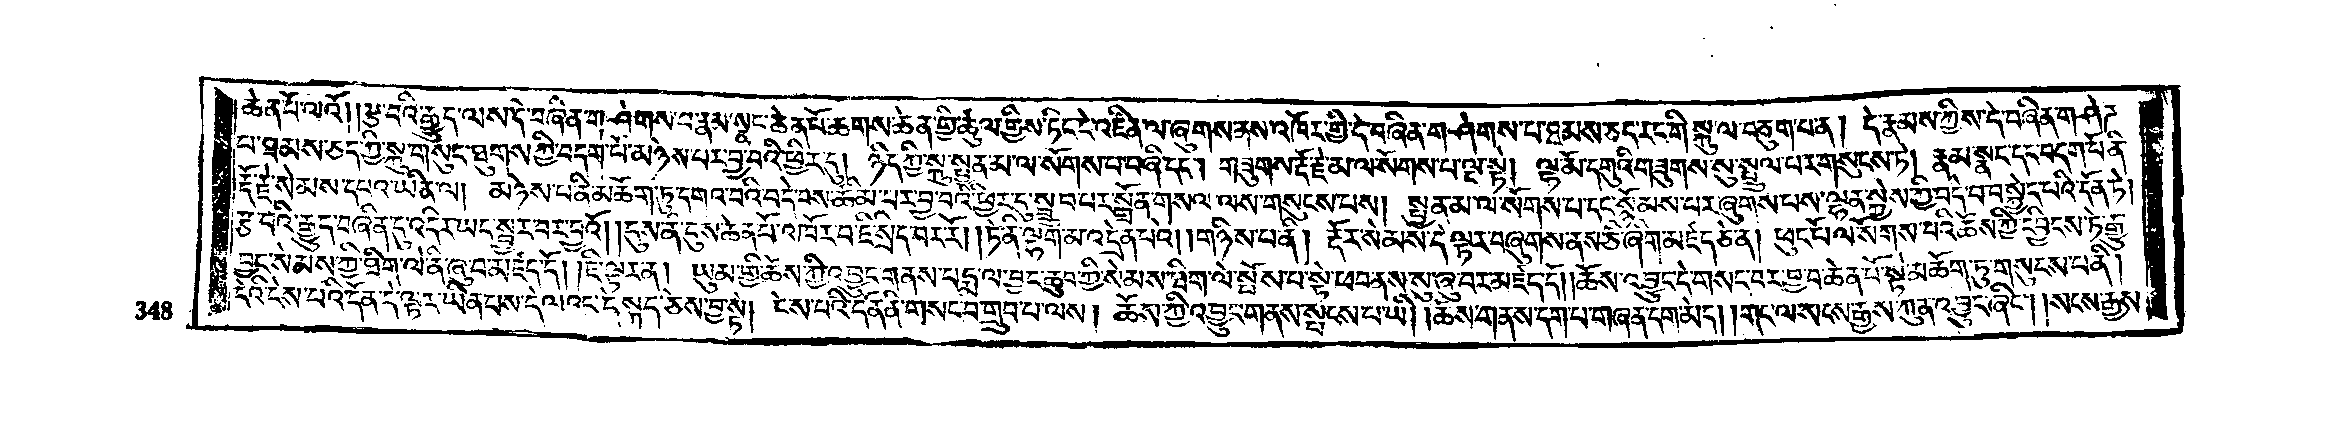ཆེན་པོ་ལའོ། །རྩ་བའི་རྒྱུད་ལས་དེ་བཞིན་གཤེགས་པ་རྣམ་སྣང་ཆེན་པོ་ཆགས་ཆེན་གྱི་ཚུལ་གྱིས་ཏིང་ངེ་འཛིན་ལ་ཞུགས་ནས་འཁོར་གྱི་དེ་བཞིན་གཤེགས་པ་ཐམས་ཅད་རང་གི་སྐུ་ལ་བཅུག་པ་ན། དེ་རྣམས་ཀྱིས་དེ་བཞིན་གཤེགས་
པ་ཐམས་ཅད་ཀྱི་སྐུ་གསུང་ཐུགས་ཀྱི་བདག་པོ་མཉེས་པར་བྱ་བའི་ཕྱིར་དུ། ཉིད་ཀྱི་སྐུ་སྤྱན་མ་ལ་སོགས་པ་བཞི་དང་། གཟུགས་རྡོ་རྗེ་མ་ལ་སོགས་པ་ལྔ་སྟེ། ལྷ་མོ་དགུའི་གཟུགས་སུ་སྤྲུལ་པར་གསུངས་ཏེ། རྣམ་སྣང་དང་བདག་པོ་ནི་
རྡོ་རྗེ་སེམས་དཔའ་ཡིན་ལ། མཉེས་པ་ནི་མཆོག་ཏུ་དགའ་བའི་བདེ་བས་ཚིམ་པར་བྱ་བའི་ཕྱིར་དུ་སྦྲུབ་པར་སྒྲོན་གསལ་ལས་གསུངས་པས། སྤྱན་མ་ལ་སོགས་པ་དང་སྙོམས་པར་ཞུགས་པས་ལྷན་སྐྱེས་ཀྱི་བདེ་བ་བསྐྱེད་པའི་དོན་ཏེ།
རྩེ་བའི་རྒྱུད་བཞིན་དུ་འདིར་ཡང་སྦྱར་བར་བྱའོ། །དུས་ནི་དུས་ཆེན་པོ་འཁོར་བ་ཇི་སྲིད་བར་རོ། །ཏེ་ནི་ལྷག་མ་འདྲེན་པའོ། །གཉིས་པ་ནི། རྡོར་སེམས་དེ་ལྟར་བཞུགས་ནས་ཅི་ཞིག་མཛད་ཅེ་ན། ཕུང་པོ་ལ་སོགས་པའི་ཆོས་ཀྱི་དབྱིངས་ཏེ་རྒྱུ་
བྱང་སེམས་ཀྱི་ཐིག་ལེ་ནི་ཞུ་བ་མཛད་དོ། །ཇི་ལྟར་ན། ཡུམ་གྱི་ཆོས་ཀྱི་འབྱུང་གནས་པདམ་ལ་བྱང་ཆུབ་ཀྱི་སེམས་ཐིག་ལེ་སྤོས་པ་སྟེ་ཕབ་ནས་སུ་ཞུ་བར་མཛད་དོ། །ཆོས་འབྱུང་དེ་གསང་བར་བྱ་བ་ཆེན་པོ་སྟེ་མཆོག་ཏུ་གསུངས་པ་ནི།
དེའི་ངེས་པའི་དོན་དེ་ལྟར་ཡིན་པས་དེ་ལའང་དེ་སྐད་ཅེས་བྱ་སྟེ། ངེས་པའི་དོན་ནི་གསང་བ་གྲུབ་པ་ལས། ཆོས་ཀྱི་འབྱུང་གནས་སྤངས་པ་ཡི། །ཆོས་གནས་དག་པ་གཞན་དག་མེད། །གང་ལ་སངས་རྒྱས་ཀུན་འབྱུང་ཞིང་། །སངས་རྒྱས་